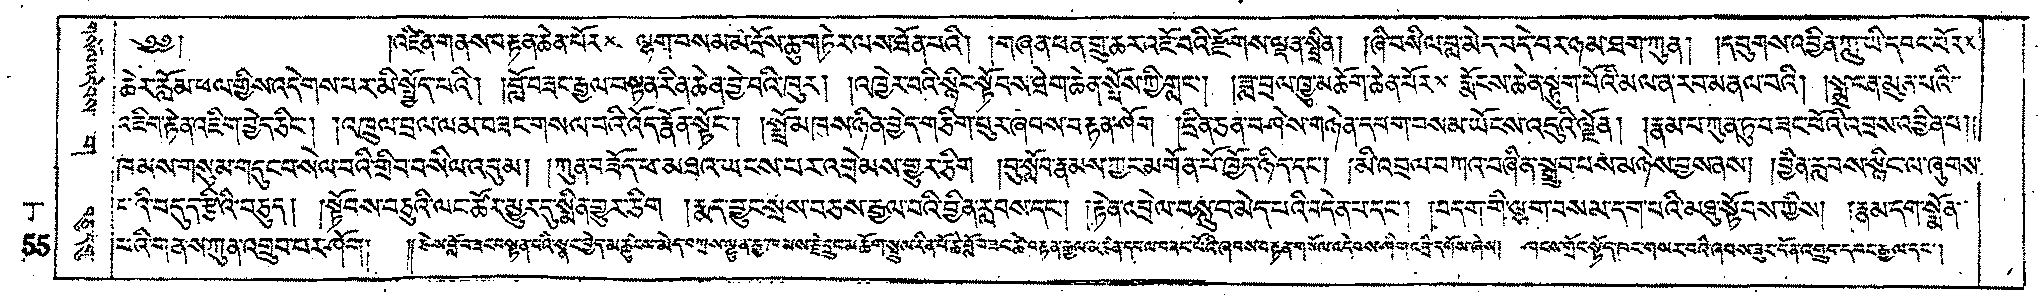༄༅། །འཛིན་གནས་བརྟན་ཆེན་པོར་྾་ལྷག་བསམ་མ་དྲོས་ཆུ་གཏེར་ལས་ཐོན་པའི། །གཞན་ཕན་གྲུ་ཆར་འཇོ་བའི་རྫོགས་ལྡན་སྤྲིན། །ཞི་བསིལ་བླ་མེད་བདེ་བར་ཉམ་ཐག་ཀུན། །དབུགས་འབྱིན་ཀླུ་ཡི་དབང་པོར་྾་
ཆེར་རློམ་ཕལ་གྱིས་འདེགས་པར་མི་སྤྱོད་པའི། །བློ་བཟང་རྒྱལ་བསྟན་རིན་ཆེན་བྱེ་བའི་ཁུར། །འཁྱེར་བའི་སྙིང་སྟོབས་ཐེག་ཆེན་སྤོས་ཀྱི་གླང་། །ཟླ་བྲལ་ཁྱུ་མཆོག་ཆེན་པོར་྾་རྨོངས་ཆེན་སྟུག་པོའི་མལ་ན་རབ་མནལ་བའི། །སྨྲ་ངན་མུན་པའི་་་
འཇིག་རྟེན་འཇིག་བྱེད་ཅིང་། །འཁྲུལ་བྲལ་ལམ་བཟང་གསལ་བའི་འོད་རྣོན་སྟོང་། །སྤྲོ་མཁས་ཉིན་བྱེད་གཅིག་པུར་ཞབས་བརྟན་ཤོག །དྲིན་ཅན་བཤེས་གཉེན་དཔག་བསམ་ཡོངས་འདུའི་ལྗོན། །རྣམ་པ་ཀུན་ཏུ་བཟང་པོའི་འབྲས་འབྱིན་པ།།
ཁམས་གསུམ་གདུང་བསེལ་བའི་གྲིབ་བསིལ་འབུམ། །ཀུན་བཟོད་ཕ་མཐའ་ཡངས་པར་འགྲེམས་གྱུར་ཅིག །བུ་སློབ་རྣམས་ཀྱང་མགོན་པོ་ཁྱོད་ཉིད་དང་། །མི་འབྲལ་བཀའ་བཞིན་སྒྲུབ་པས་མཉེས་བྱས་ནས། །བྱིན་རླབས་སྙིང་ལ་ཞུགས་
པའི་བདུད་རྩིའ་བཅུད། །སྟོབས་བཅུའི་ལང་ཚོར་མྱུར་དུ་སྨིན་གྱུར་ཅིག །རྨད་བྱུང་སྲས་བཅས་རྒྱལ་བའི་བྱིན་རླབས་དང་། །རྟེན་འབྲེལ་བསླུ་བ་མེད་པའི་བདེན་པ་དང་། །བདག་གི་ལྷག་བསམ་དག་པའི་མཐུ་སྟོབས་ཀྱིས། །རྣམ་དག་སྨོན་་་
པའི་གནས་ཀུན་འགྲུབ་པར་ཤོག། །།ཅེས་བློ་བཟང་བསྟན་པའི་སྣང་བྱེད་མཚུངས་མེད་བཀྲས་ལྷུན་རྒྱ་ཁམས་རྗེ་དྲུང་མཆོག་སྤྲུལ་རིན་པོ་ཆེ་བློ་བཟང་ཚེ་བརྟན་རྒྱལ་མཚན་དཔལ་བཟང་པོའི་ཞབས་བརྟན་གསོལ་འདེབས་ཤིག་འབྲི་དགོས་ཞེས། ཤངས་གྲོང་སྟོད་ཁང་གསར་བའི་ཞབས་ཟུར་དོན་འགྲུབ་དབང་གྱལ་དང་།